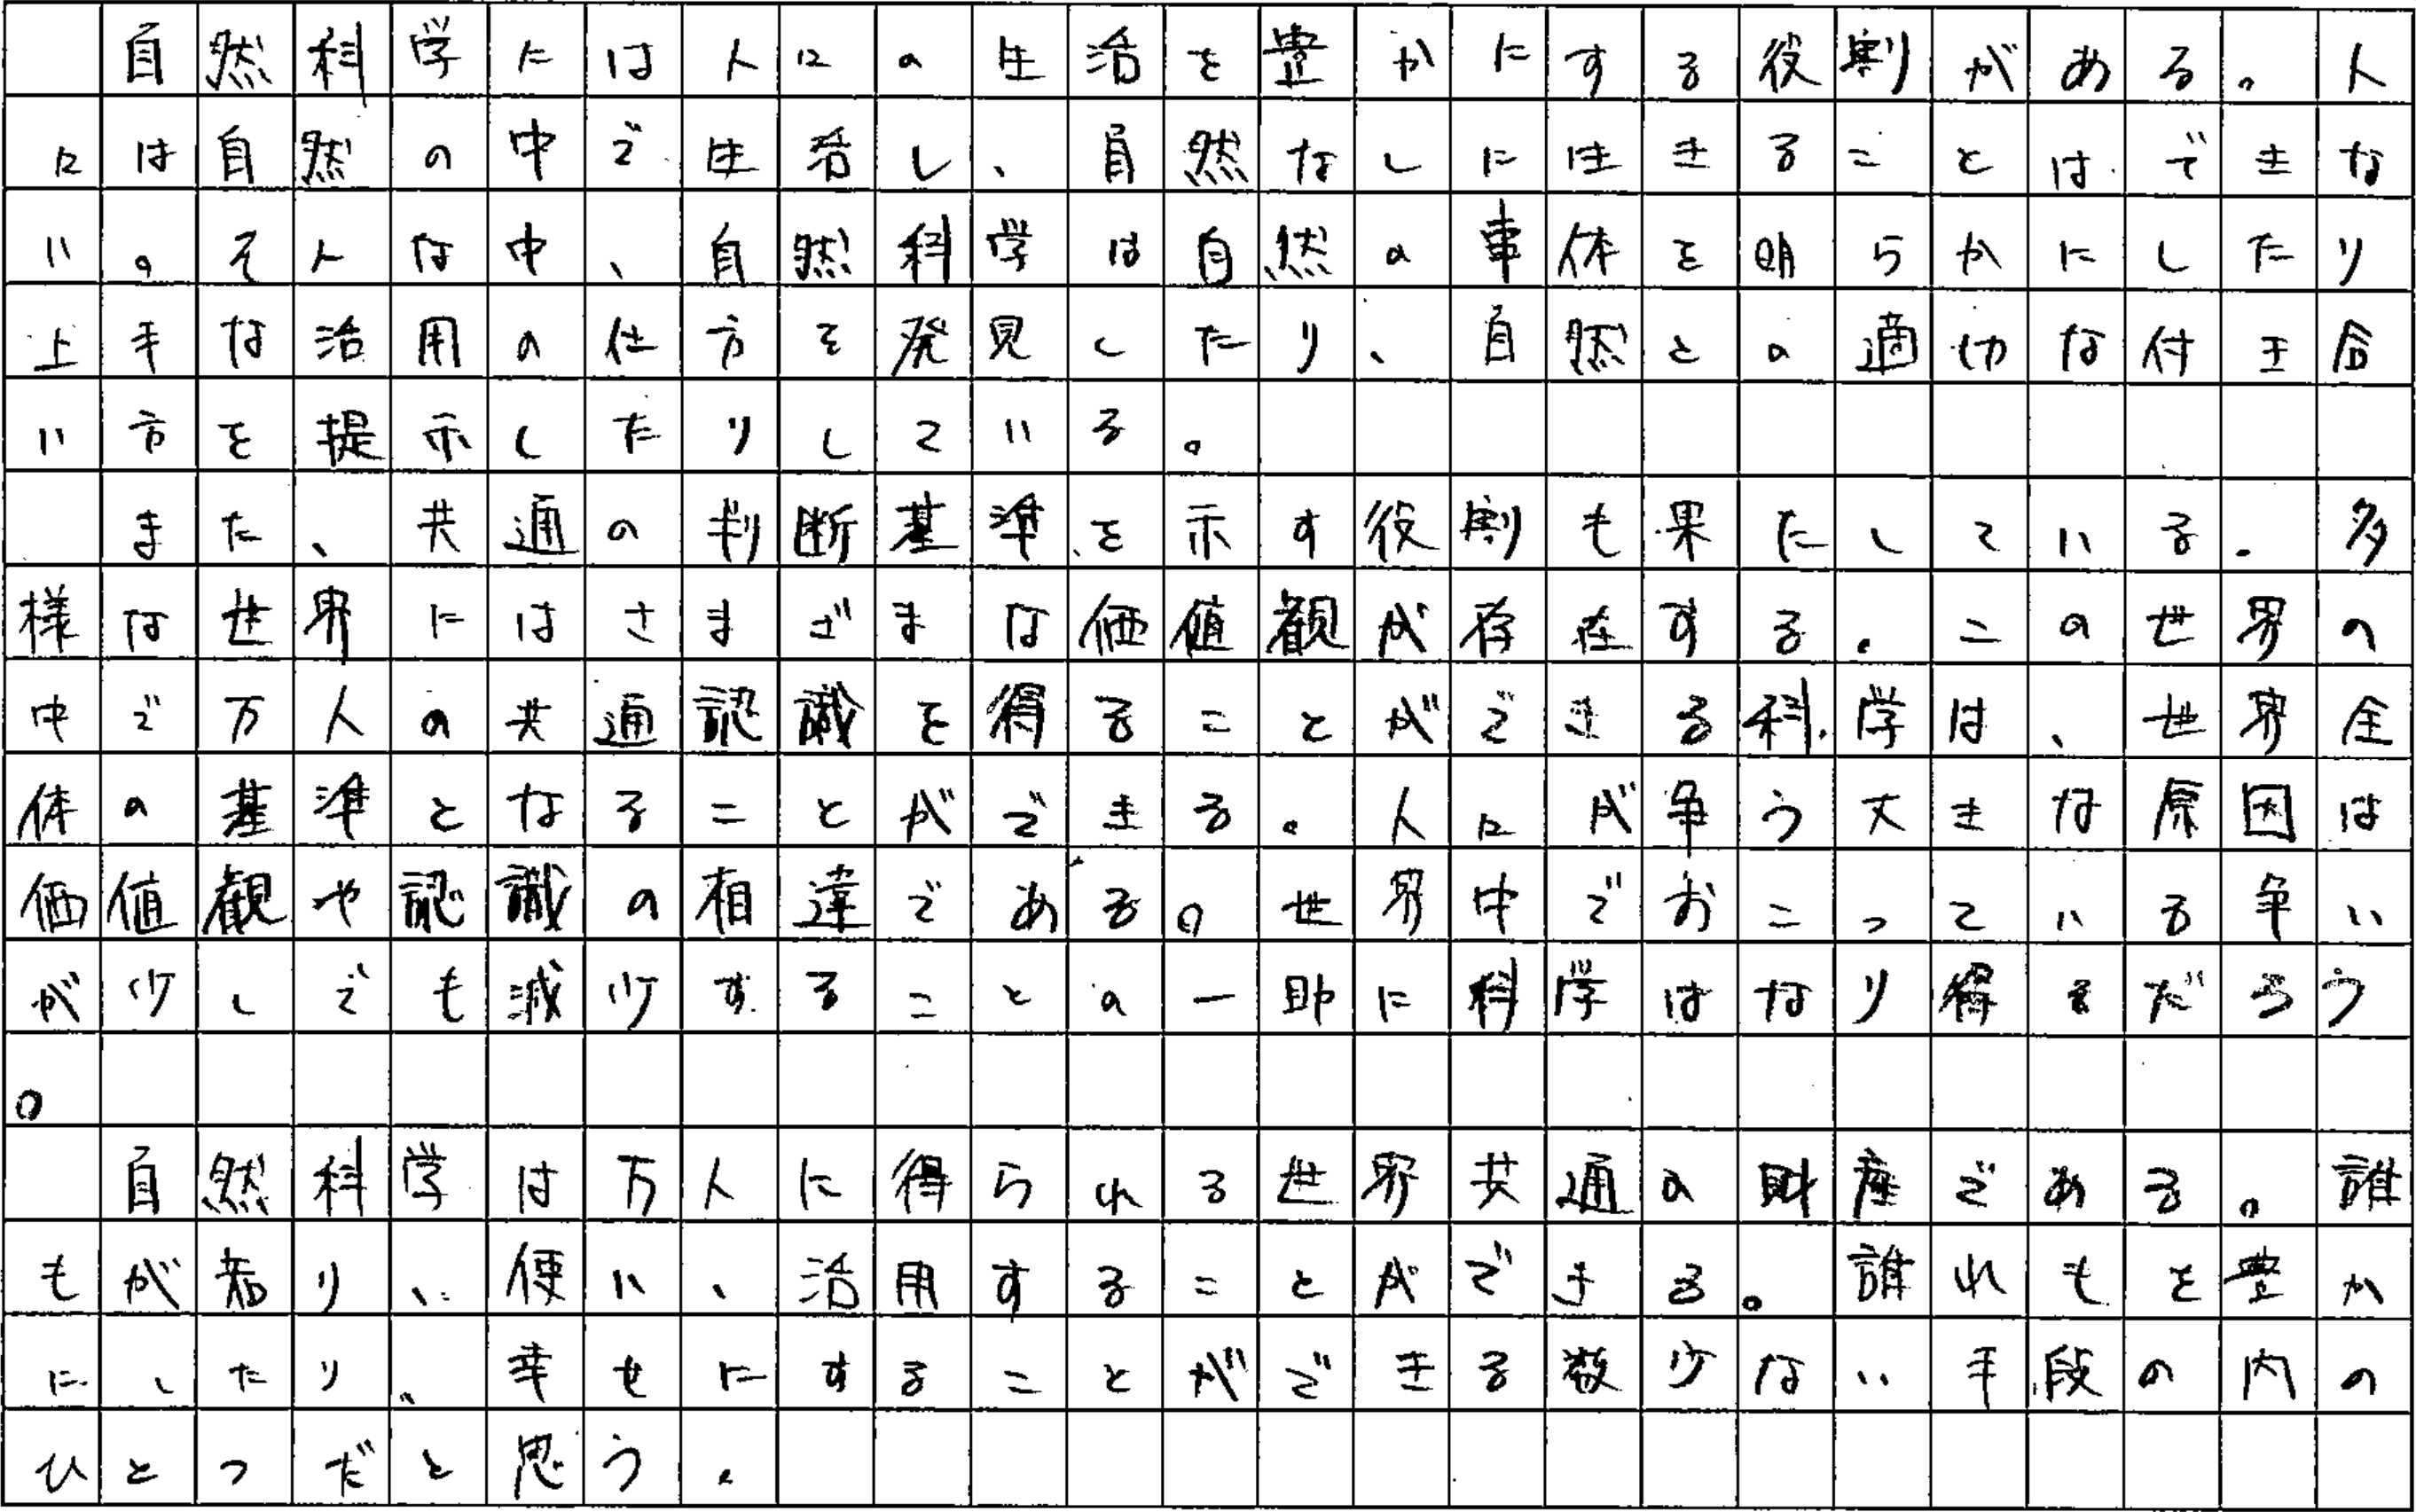　自然科学には人々の生活を豊かにする役割がある。人々は自然の中で生活し、自然なしに生きることはできない。そんな中、自然科学は自然の事体を明らかにしたり上手な活用の仕方を発見したり、自然との適切な付き合い方を提示したりしている。
　また、共通の判断基準を示す役割も果たしている。多様な世界にはさまざまな価値観が存在する。この世界の中で万人の共通認識を得ることができる科学は、世界全体の基準となることができる。人々が争う大きな原因は価値観や認識の相違である。世界中でおこっている争いが少しでも減少することの一助に科学はなり得るだろう。
　自然科学は万人に得られる世界共通の財産である。誰もが知り、使い、活用することができる。誰れもを豊かにしたり、幸せにすることができる数少ない手段の内のひとつだと思う。
